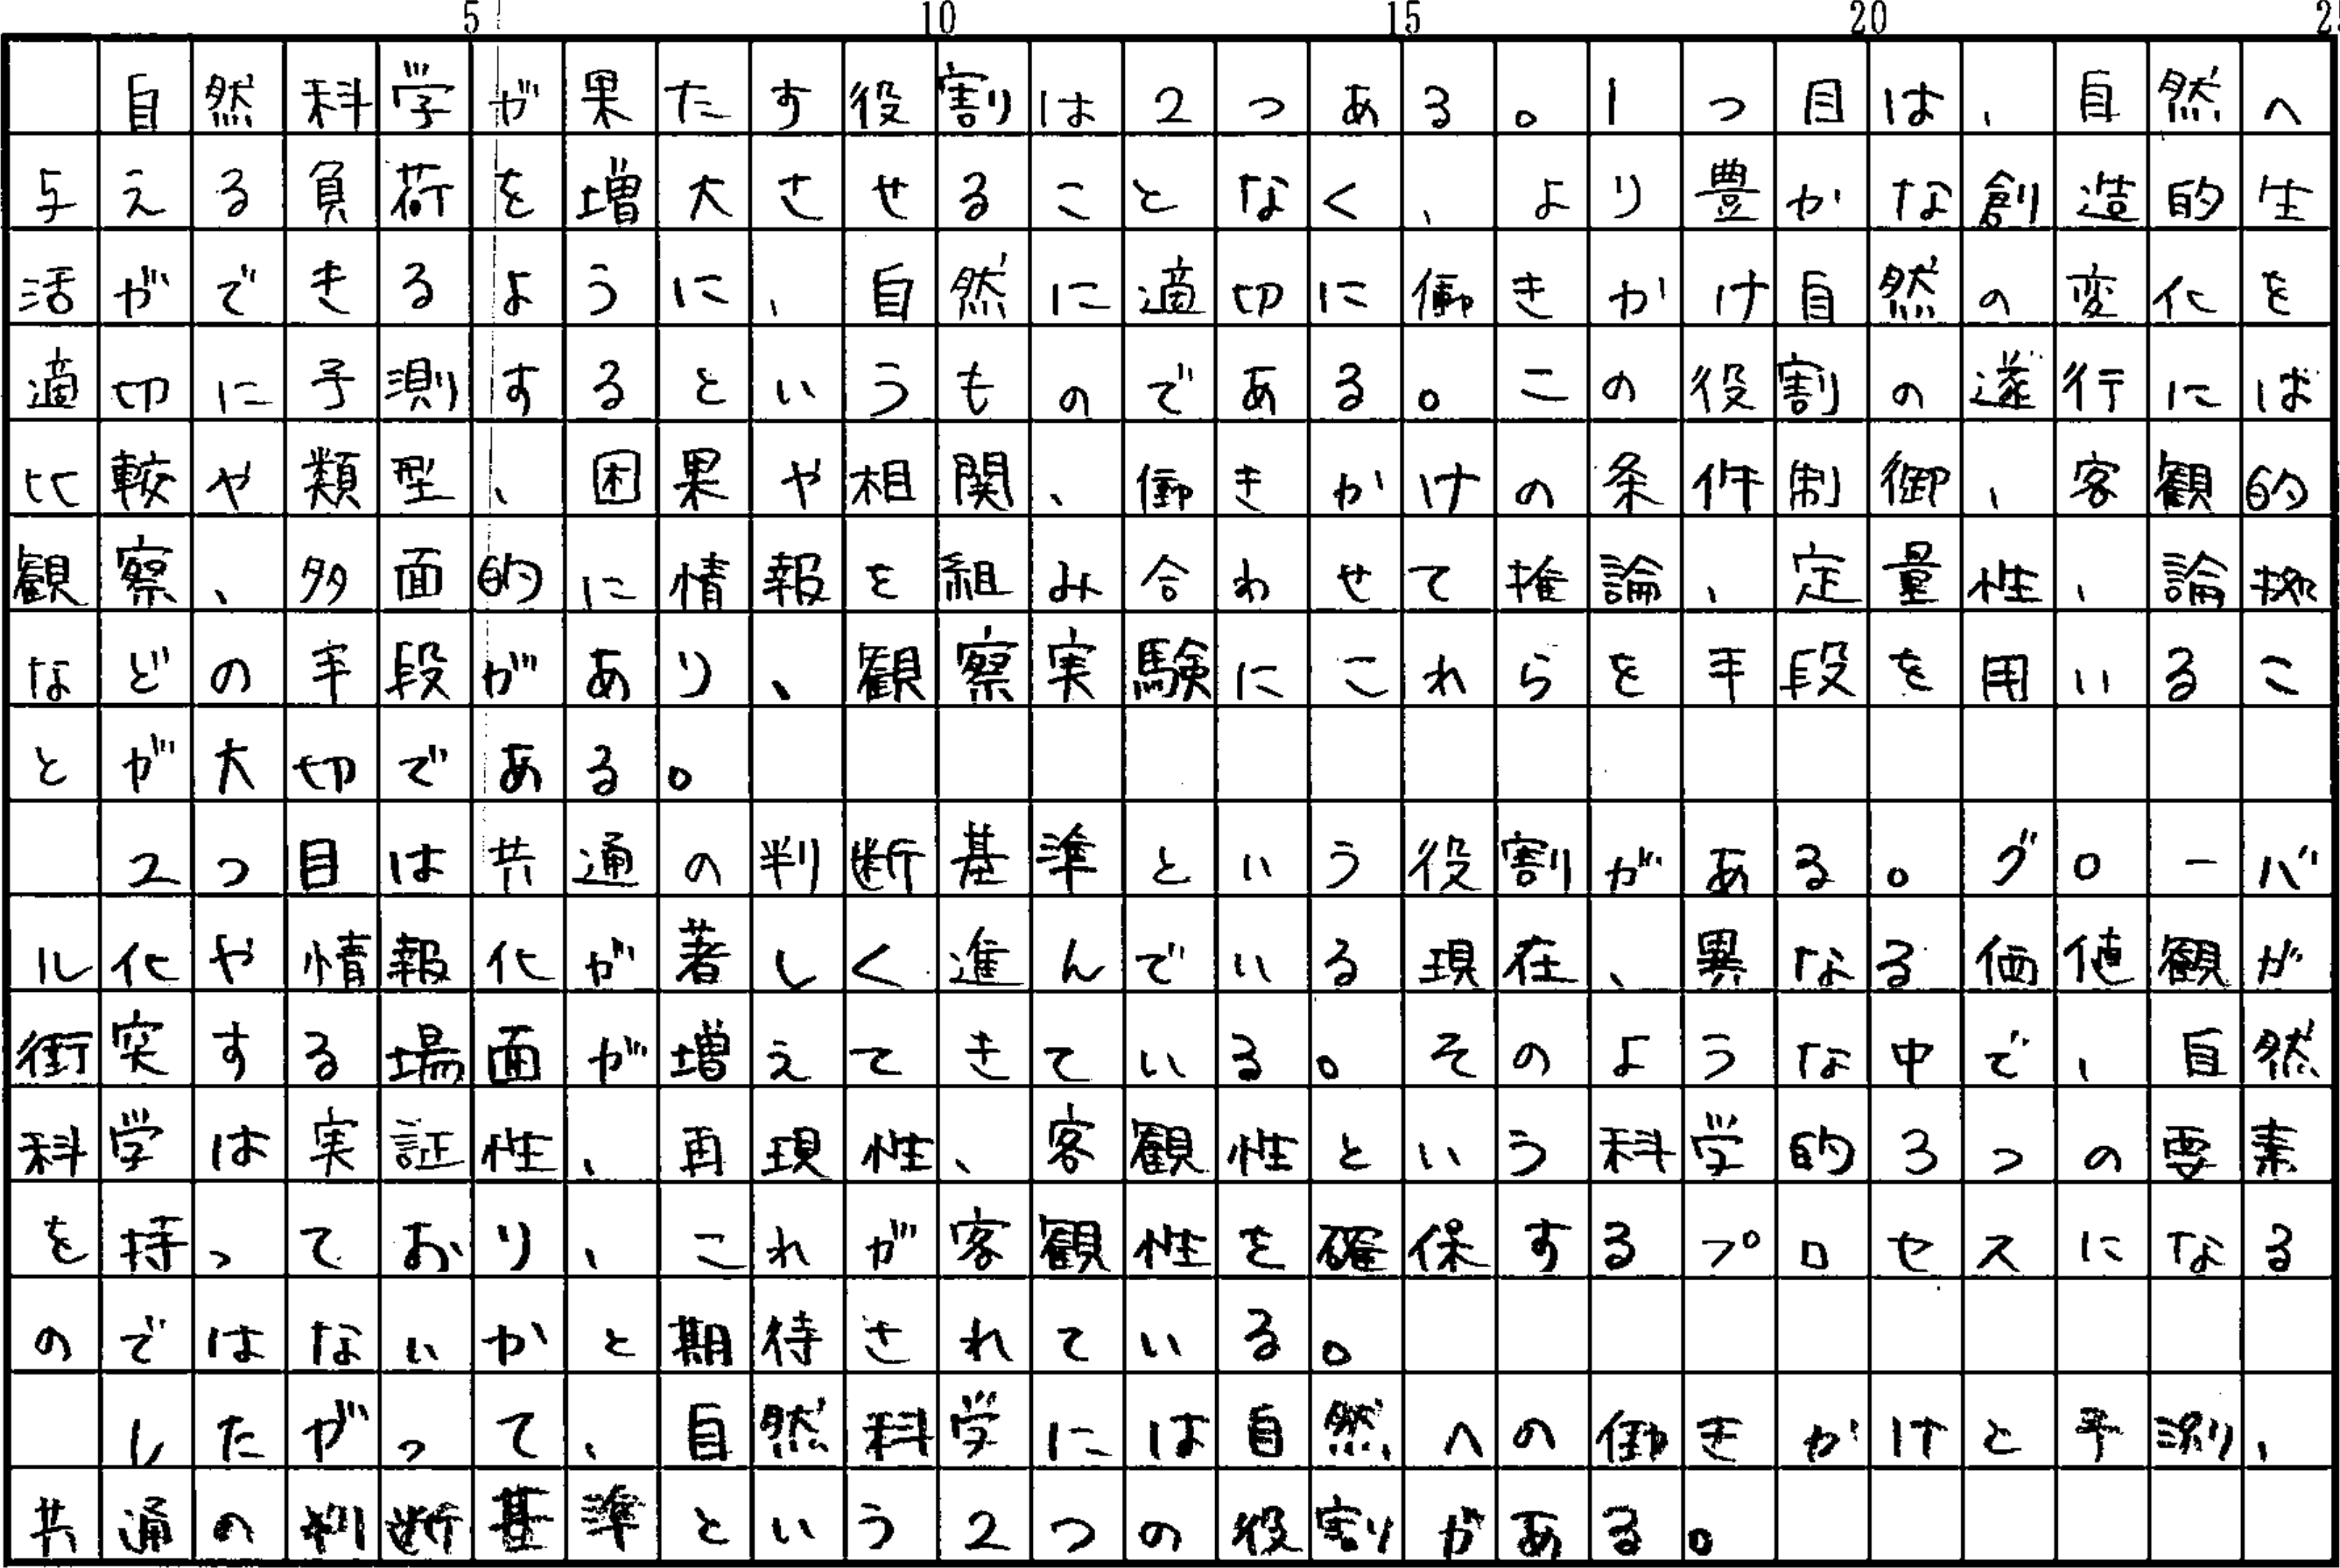　自然科学が果たす役割は２つある。１つ目は、自然へ与える負荷を増大させることなく、より豊かな創造的生活ができるように、自然に適切に働きかけ自然の変化を適切に予測するというものである。この役割の遂行には比較や類型、因果や相関、働きかけの条件制御、客観的観察、多面的に情報を組み合わせて推論、定量性、論拠などの手段があり、観察実験にこれらを手段を用いることが大切である。
　２つ目は共通の判断基準という役割がある。グローバル化や情報化が著しく進んでいる現在、異なる価値観が衝突する場面が増えてきている。そのような中で、自然科学は実証性、再現性、客観性という科学的３つの要素を持っており、これが客観性を確保するプロセスになるのではないかと期待されている。
　したがって、自然科学には自然への働きかけと予測、共通の判断基準という２つの役割がある。
